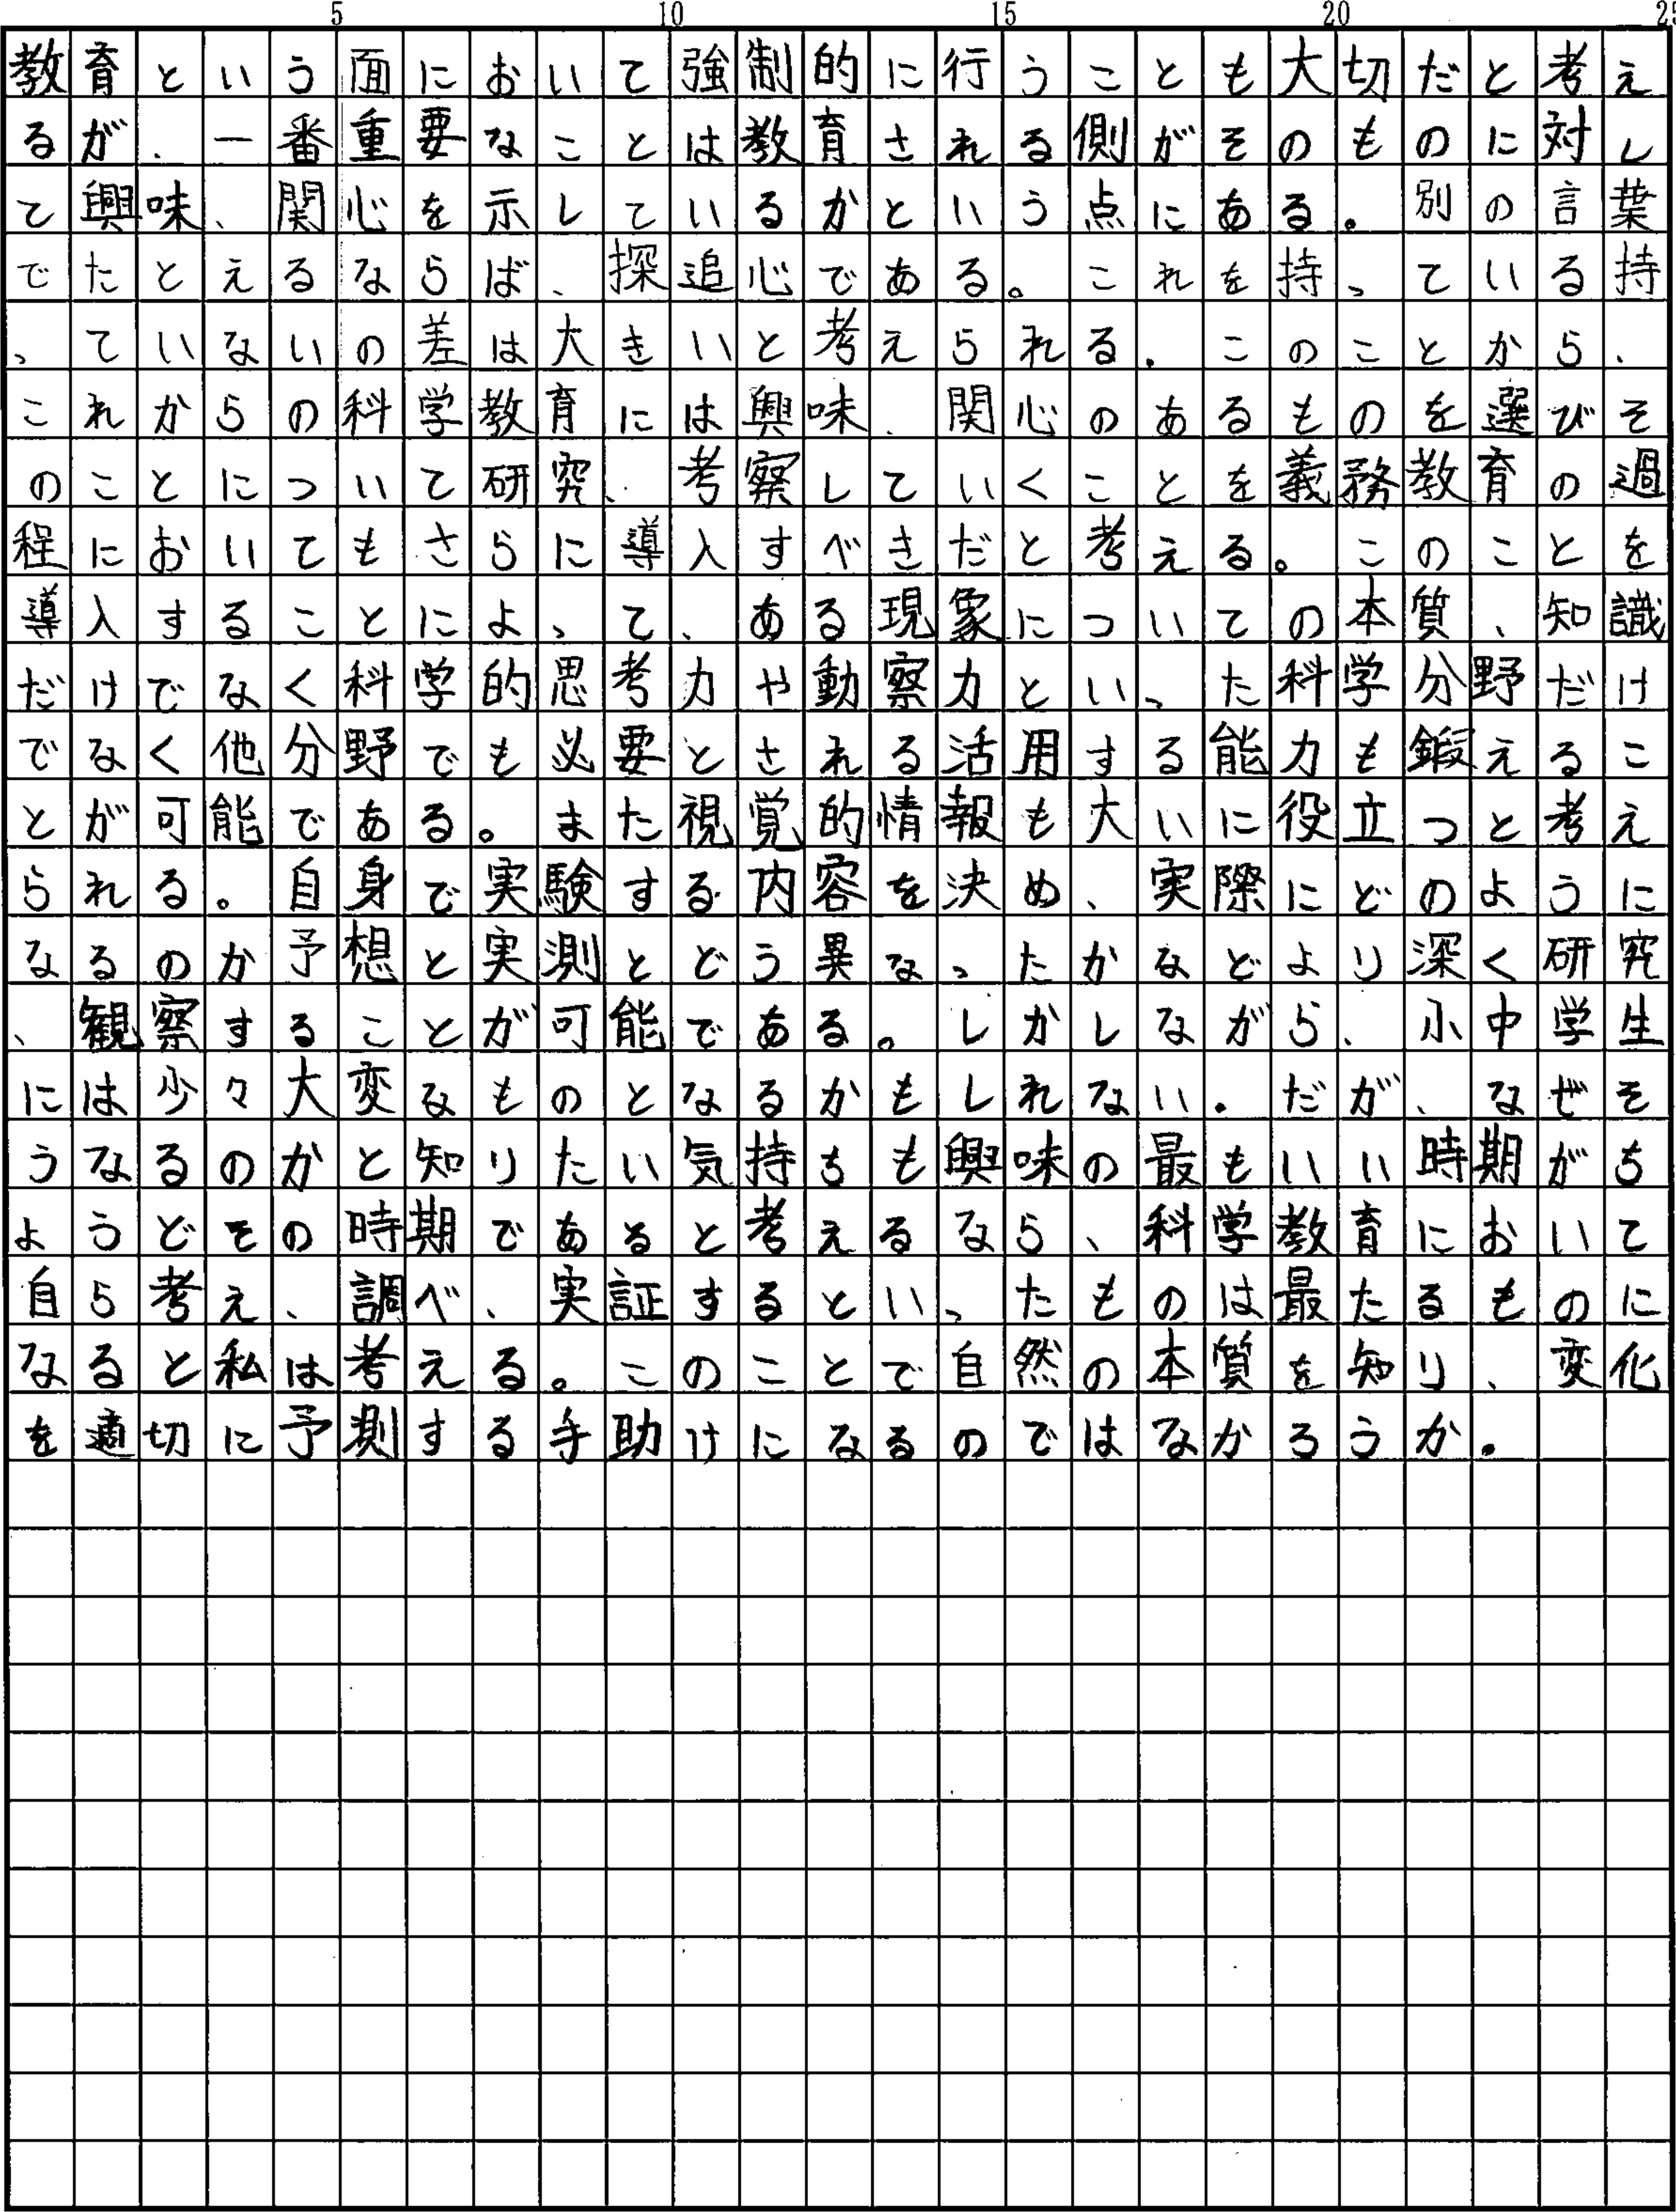教育という面において強制的に行うことも大切だと考えるが、一番重要なことは教育される側がそのものに対して興味、関心を示しているかという点にある。別の言葉でたとえるならば、探追心である。これを持っている持っていないの差は大きいと考えられる。このことから、これからの科学教育には興味、関心のあるものを選びそのことについて研究、考察していくことを義務教育の過程においてもさらに導入すべきだと考える。このことを導入することによって、ある現象についての本質、知識だけでなく科学的思考力や動察力といった科学分野だけでなく他分野でも必要とされる活用する能力も▁えることが可能である。また視覚的情報も大いに役立つと考えられる。自身で実験する内容を決め、実際にどのようになるのか予想と実測とどう異なったかなどより深く研究、観察することが可能である。しかしながら、小中学生には少々大変なものとなるかもしれない。だが、なぜそうなるのかと知りたい気持ちも興味の最もいい時期がちょうどその時期であると考えるなら、科学教育において自ら考え、調べ、実証するといったものは最たるものになると私は考える。このことで自然の本質を知り、変化を適切に予測する手助けになるのではなかろうか。
